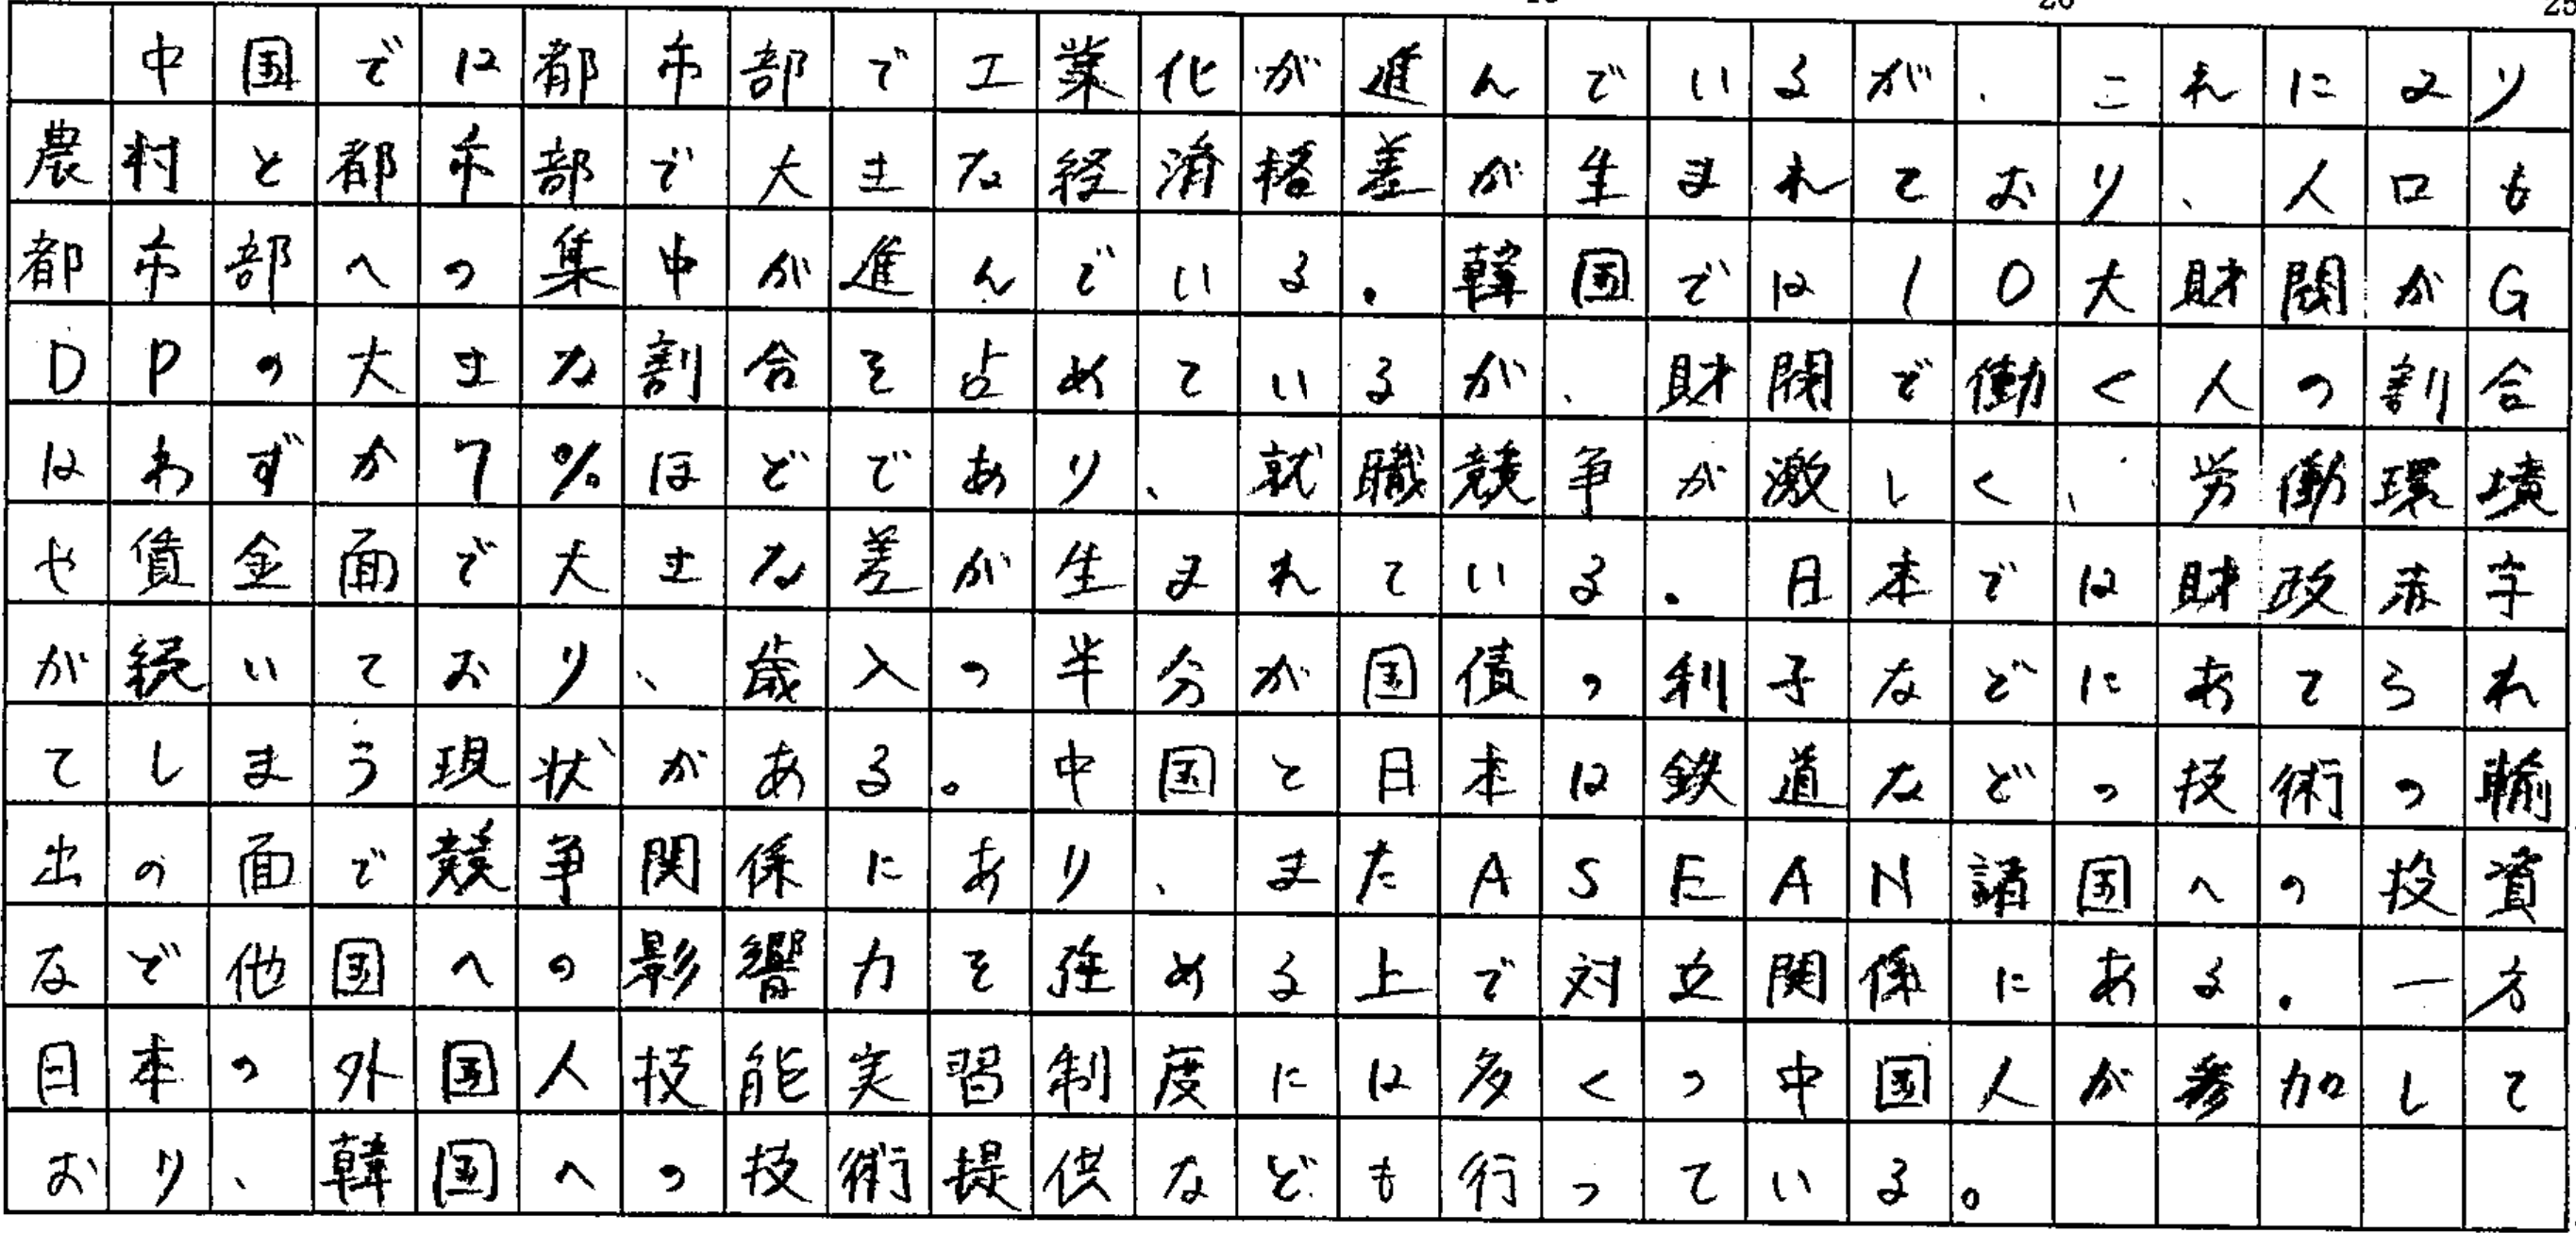　中国では都市部で工業化が進んでいるが、これにより農村と都市部で大きな経済格差が生まれており、人口も都市部への集中が進んでいる。韓国では１０大財閥がＧＤＰの大きな割合を占めているが、財閥で働く人の割合はわずか７％ほどであり、就職競争が激しく、労働環境や賃金面で大きな差が生まれている。日本では財政赤字が続いており、歳入の半分が国債の利子などにあてられてしまう現状がある。中国と日本は鉄道などの技術の輸出の面で競争関係にあり、またＡＳＥＡＮ諸国への投資など他国への影響力を強める上で対立関係にある。一方日本の外国人技能実習制度には多くの中国人が参加しており、韓国への技術提供なども行っている。
